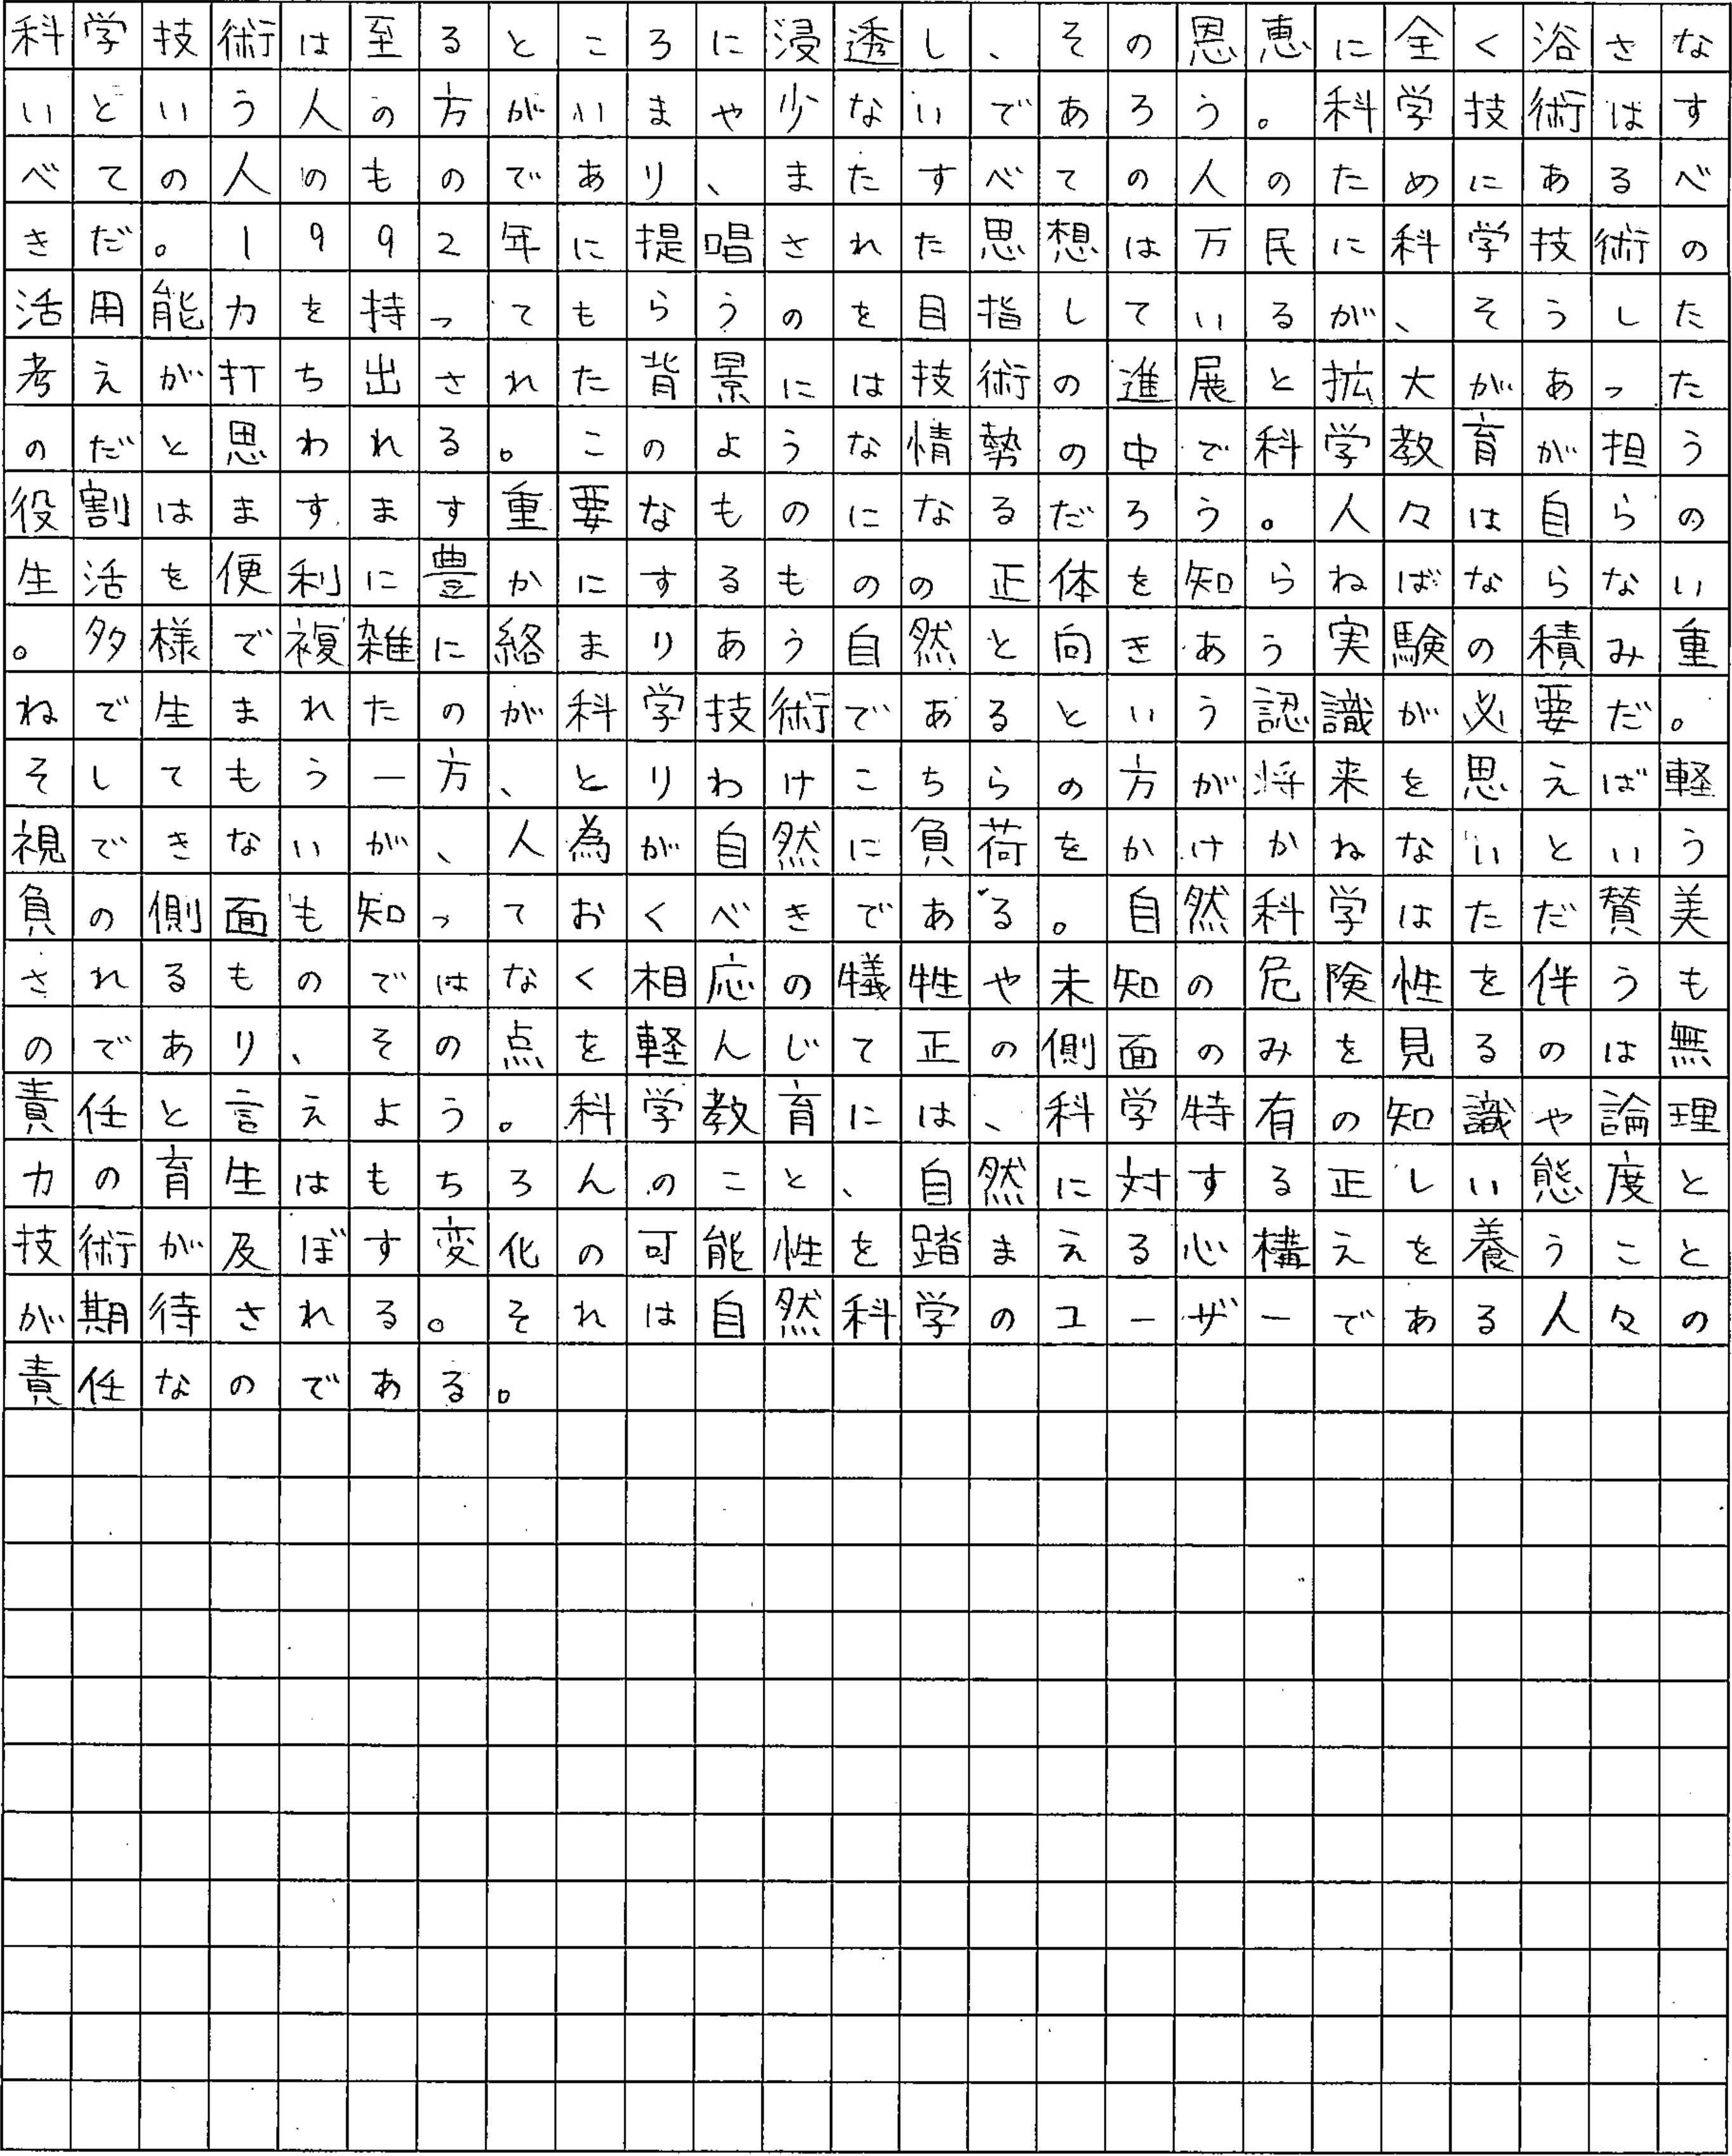科学技術は至るところに浸透し、その恩恵に全く浴さないという人の方がいまや少ないであろう。科学技術はすべての人のものであり、またすべての人のためにあるべきだ。１９９２年に提唱された思想は万民に科学技術の活用能力を持ってもらうのを目指しているが、そうした考えが打ち出された背景には技術の進展と拡大があったのだと思われる。このような情勢の中で科学教育が担う役割はますます重要なものになるだろう。人々は自らの生活を便利に豊かにするものの正体を知らねばならない。多様で複雑に絡まりあう自然と向きあう実験の積み重ねで生まれたのが科学技術であるという認識が必要だ。そしてもう一方、とりわけこちらの方が将来を思えば軽視できないが、人為が自然に負荷をかけかねないという負の側面も知っておくべきである。自然科学はただ賛美されるものではなく相応の犠牲や未知の危険性を伴うものであり、その点を軽んじて正の側面のみを見るのは無責任と言えよう。科学教育には、科学特有の知識や論理力の育生はもちろんのこと、自然に対する正しい態度と技術が及ぼす変化の可能性を踏まえる心構えを養うことが期待される。それは自然科学のユーザーである人々の責任なのである。
